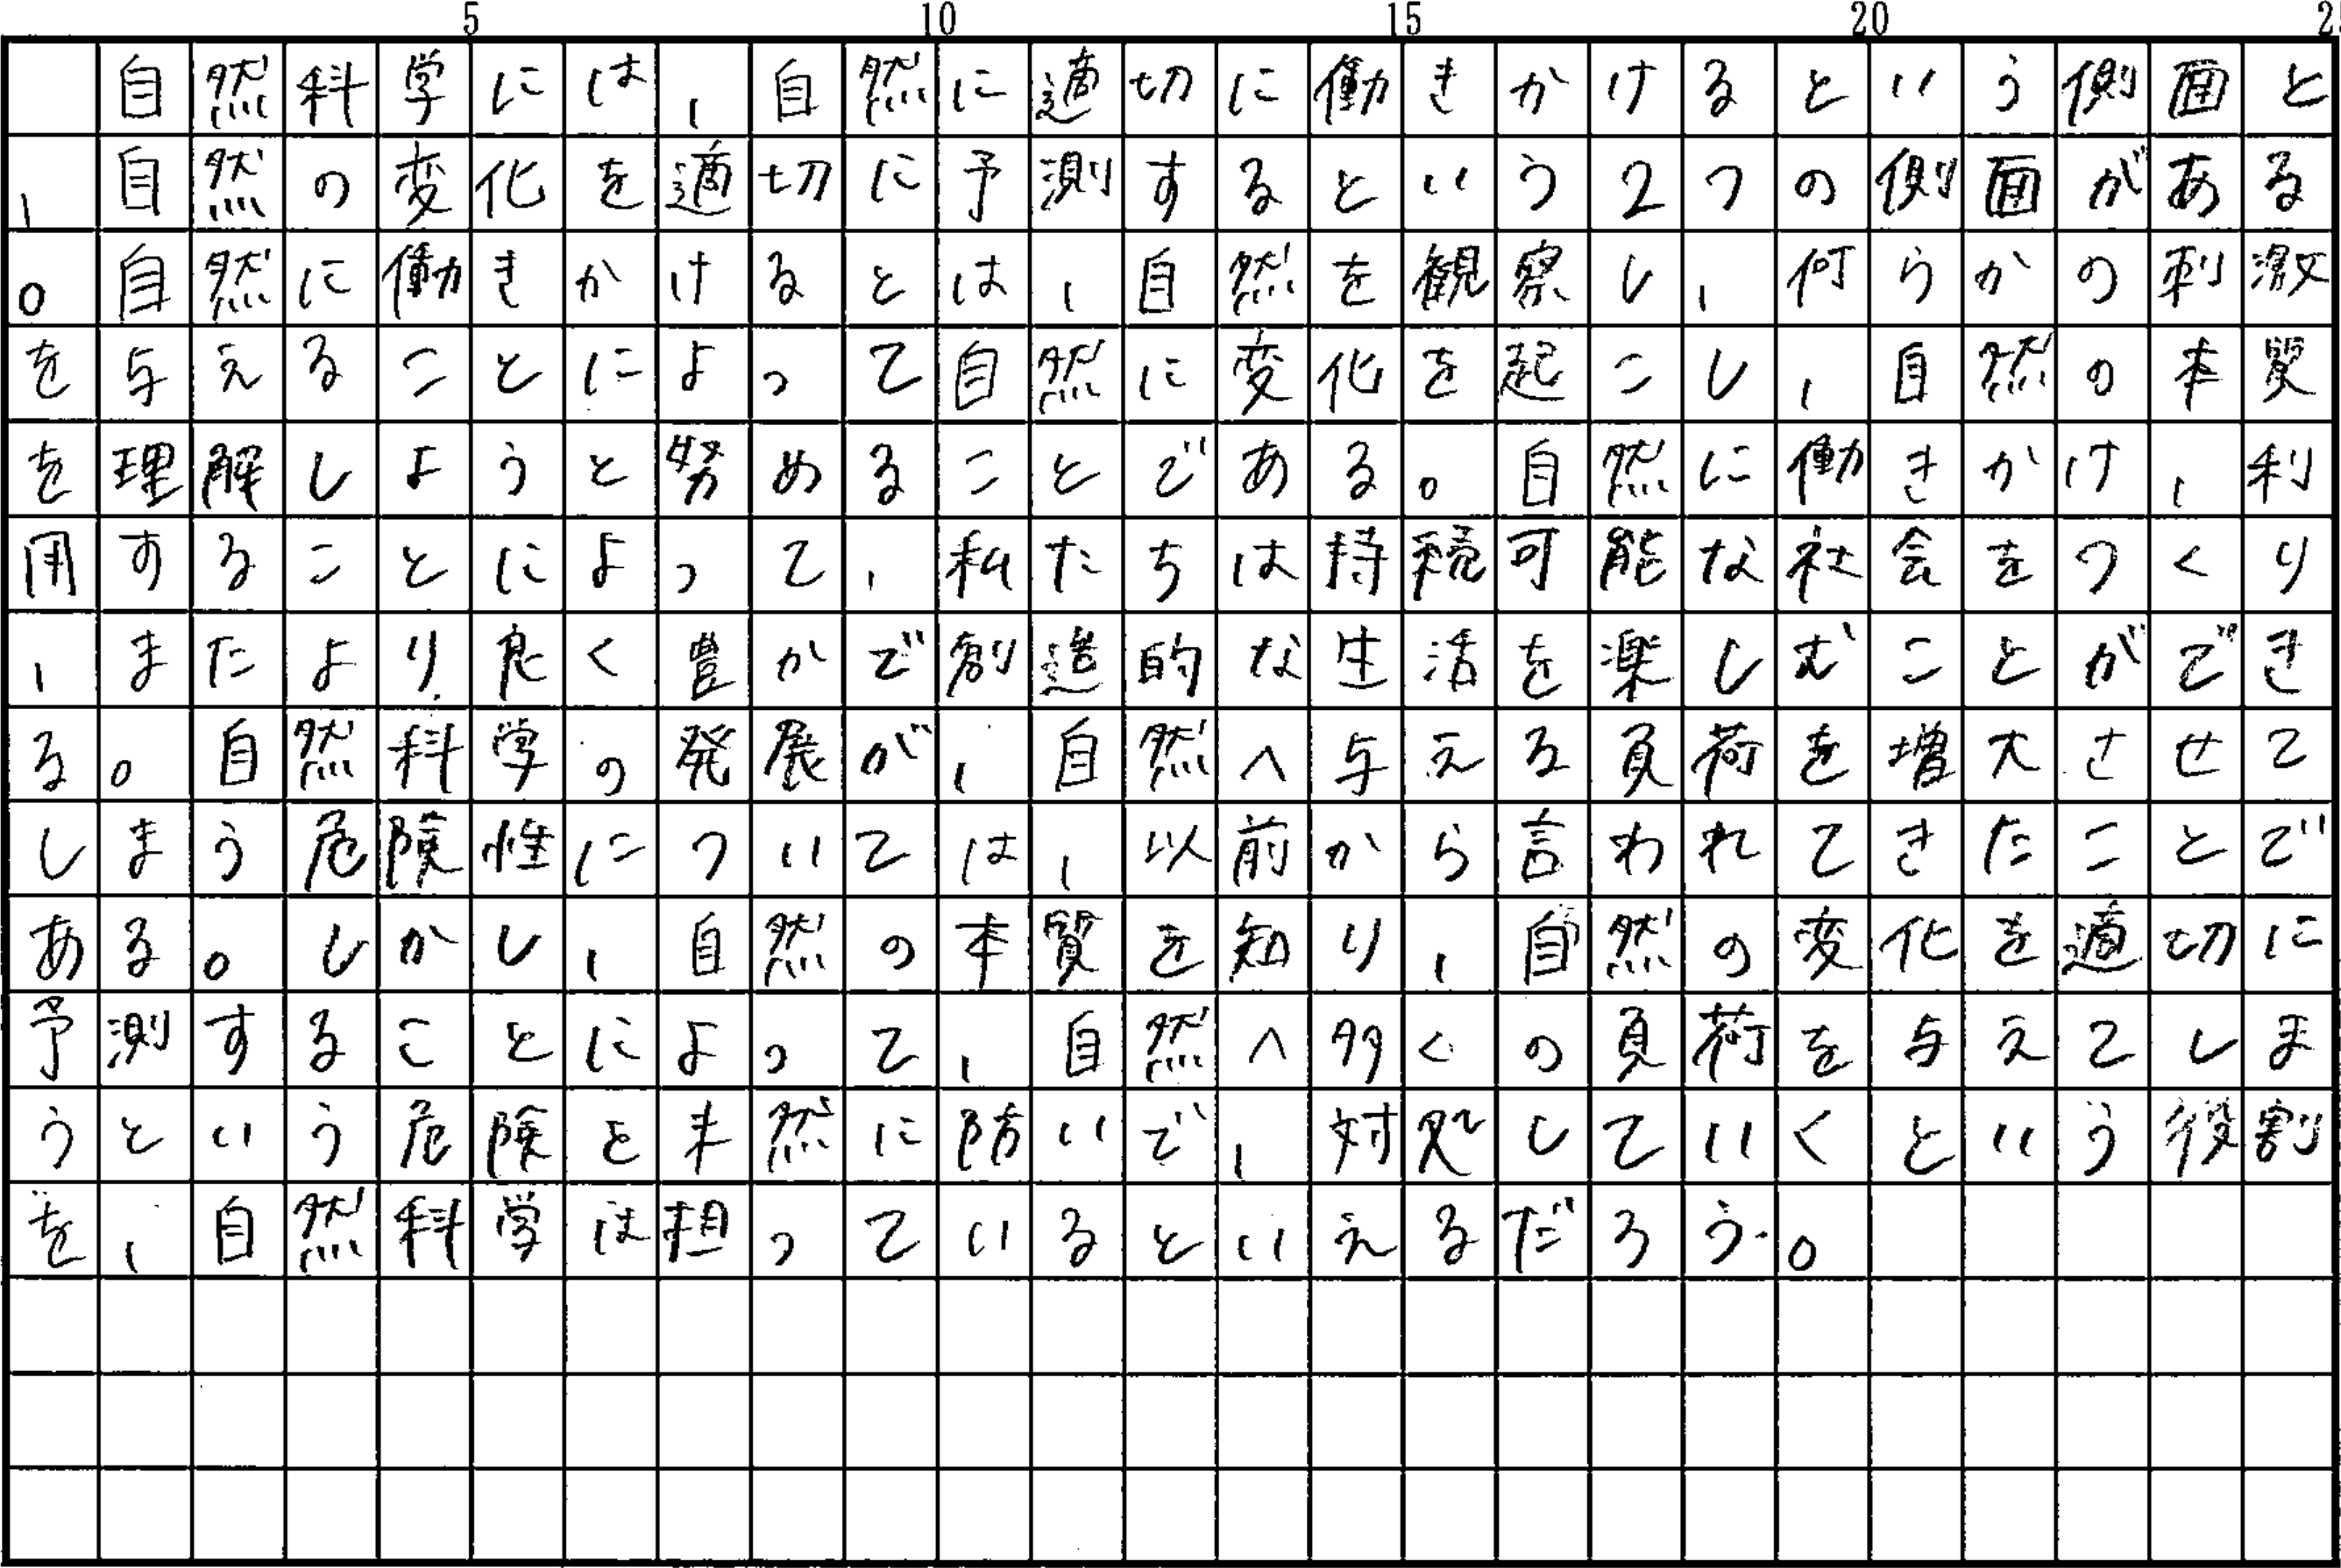　自然科学には、自然に適切に働きかけるという側面と、自然の変化を適切に予測するという２つの側面がある。自然に働きかけるとは、自然を観察し、何らかの刺激を与えることによって自然に変化を起こし、自然の本質を理解しようと努めることである。自然に働きかけ、利用することによって、私たちは持続可能な社会をつくり、またより良く豊かで創造的な生活を楽しむことができる。自然科学の発展が、自然へ与える負荷を増大させてしまう危険性については、以前から言われてきたことである。しかし、自然の本質を知り、自然の変化を適切に予測することによって、自然へ多くの負荷を与えてしまうという危険を未然に防いで、対処していくという役割を、自然科学は担っているといえるだろう。
